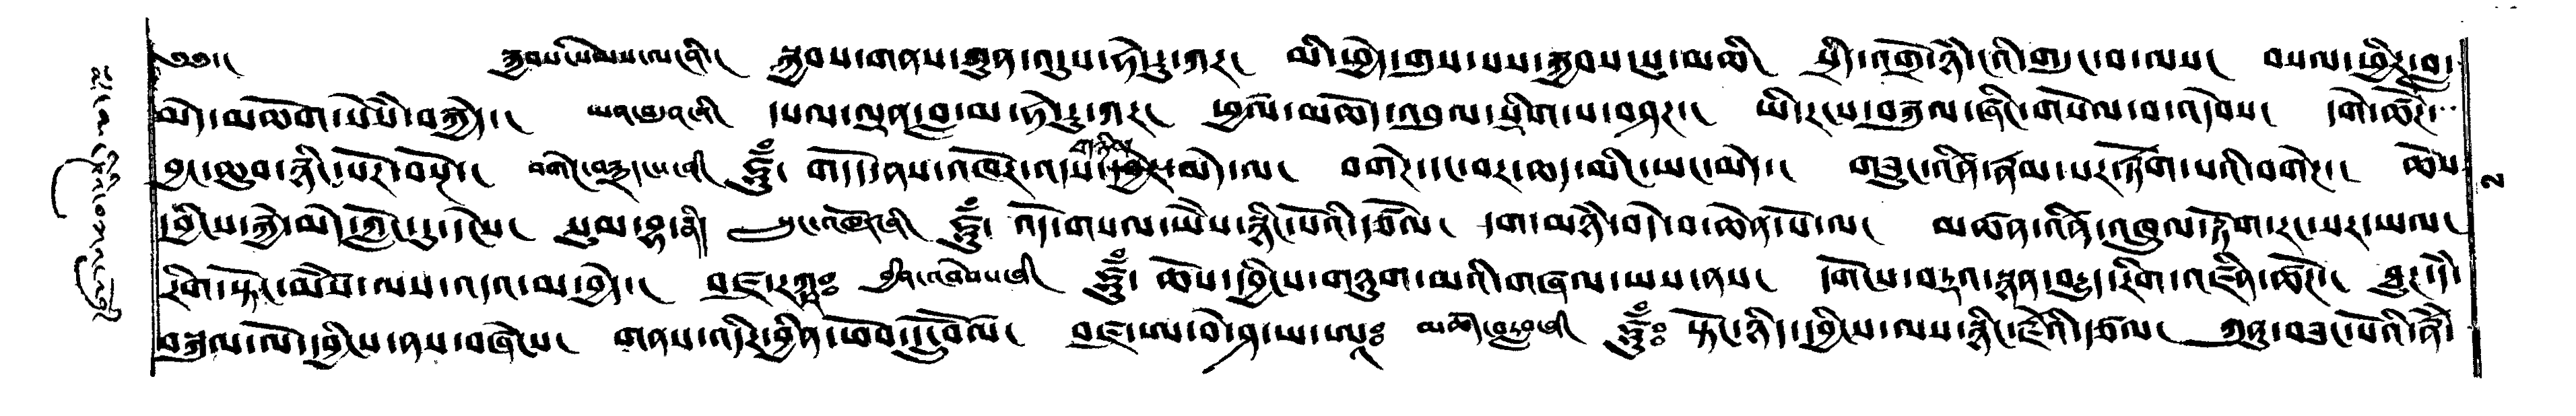སྐྱབས་སེམས་ནི། སྐྱབས་གནས་ཀུན་འདུས་ཧེ་རུ་ཀར། །མི་ཕྱེད་གུས་པས་སྐྱབས་སུ་མཆི། །སྲིད་འགྲོ་ཉམ་ངའི་གདུང་བ་ལས། །བསལ་ཕྱིར་བླ་
མེད་མཆོག་སེམས་བསྐྱེད། ། ཡན་ལག་བདུན་ནི། དཔལ་ལྡན་བླ་མ་ཧེ་རུ་ཀར། །ཕྱག་འཚལ་མཆོད་འབུལ་སྡིག་པ་བཤགས། །ཡི་རངས་བསྐུལ་ཞིང་གསོལ་བ་འདེབས། །དགེ་ཚོགས་
བྱང་ཆུབ་སྙིང་པོར་བསྔོ། ། བགེགས་བསྐྲད་པ་ནི། ཧཱུྃ། གདོད་ནས་འཁོར་འདས་གཉིས་མེད་ལ། །བགེགས་དང་བར་ཆད་མིང་ཡང་མེད། །གཟུང་འཛིན་རྣམ་པར་རྟོག་པའི་བགེགས། །ཆོས་
དབྱིངས་སྐྱེ་མེད་ཀློང་དུ་དེངས། སུམ་བྷ་ནི། སྲུང་འཁོར་ནི། ཧཱུྃ། འོད་གསལ་ཡེ་ཤེས་སྙིང་པོའི་རྩལ། །དག་མཉམ་བདེ་བ་ཆེན་པོ་ལ། །མཚན་འཛིན་འཁྲུལ་རྟོག་རང་སར་ཡལ། །
རིག་སྟོང་མཚམས་ལས་འདའ་མ་བྱེད། །བཛྲ་རཀྵཿ བྱིན་འབེབས་ནི། ཧཱུྃ། ཆོས་དབྱིངས་གཉུག་མའི་གཞལ་ཡས་ནས། །དགོངས་བརྡ་སྙན་བརྒྱུད་རིག་འཛིན་ཚོགས། །ཐུགས་དམ་
བསྐུལ་ལོ་དབྱིངས་ནས་བཞེངས། །གནས་འདིར་བྱིན་ཕོབ་དངོས་གྲུབ་སྩོལ། བཛྲ་ཨ་བེ་ཤ་ཡ་ཨཱཿ མཆོད་རླབས་ནི། ཧཱུྃ། སྟོང་ཉིད་དབྱིངས་ལས་སྙིང་རྗེའི་རྩལ། །ཀུན་ཏུ་བཟང་པོའི་རྣམ་